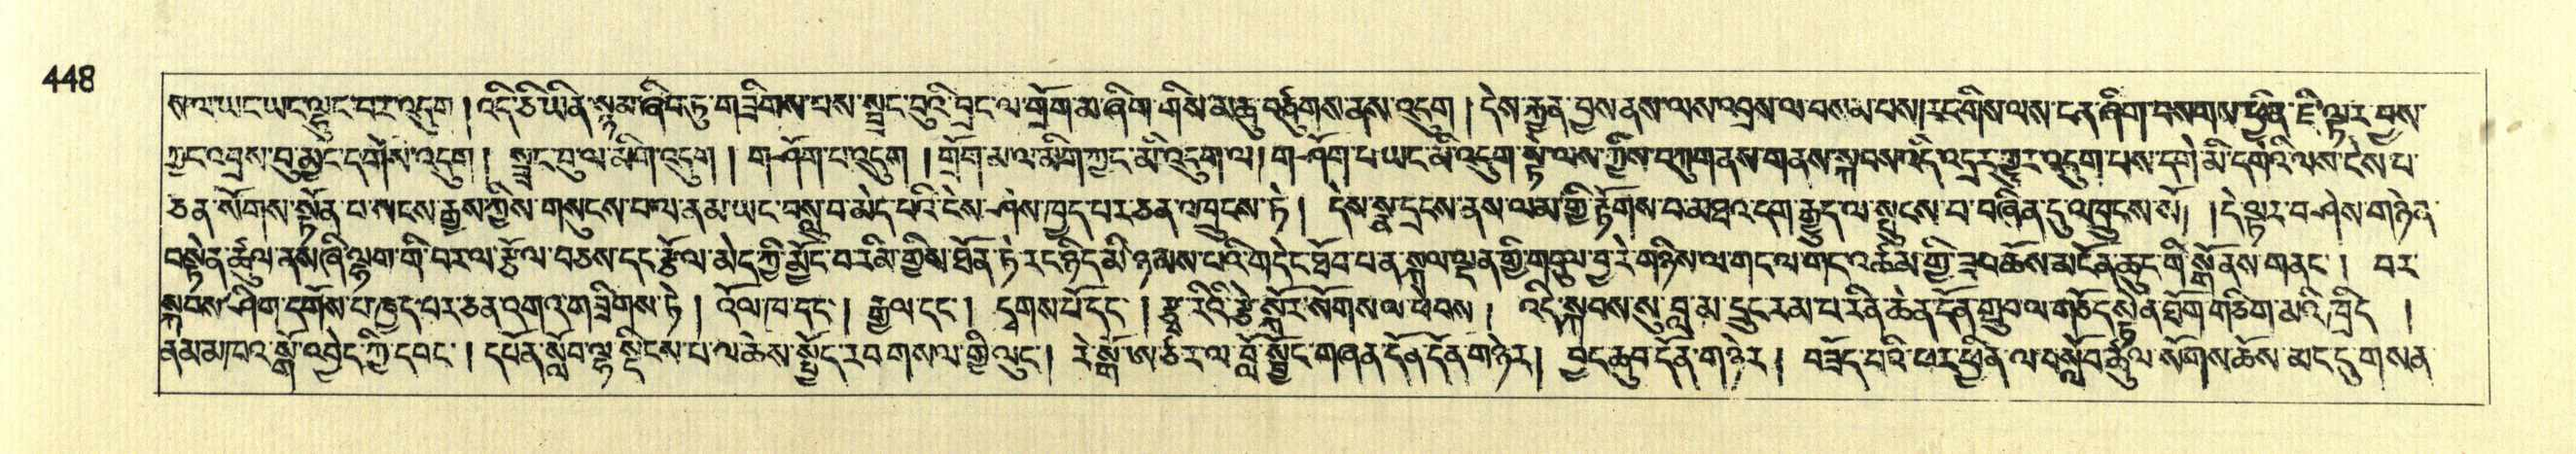ས་ལ་ཡང་ཡང་ལྷུང་བར་འདུག །འདི་ཅི་ཡིན་སྙམ་ཞིབ་ཏུ་གཟིགས་པས་སྦྲང་བུའི་བྲང་ལ་གྲོག་མ་ཞིག་གིས་མཆུ་བཙུགས་ནས་འདུག །དེས་རྐྱན་བྱས་ནས་ལས་འབྲས་ལ་བསམ་པས། རང་གིས་ལས་ངང་ཞིག་བསགས་ཕྱིན་ཇི་ལྟར་བྱས་
ཀྱང་འབྲས་བུ་མྱང་དགོས་འདུག། སྦྲང་བུ་ལ་མིག་འདུག །གཤོག་པ་འདུག །གྲོག་མ་ལ་མིག་ཀྱང་མི་འདུག་ལ། གཤོག་པ་ཡང་མི་འདུག་སྟེ་ལས་ཀྱིས་བཀུག་ནས་གནས་སྐབས་འདི་འདྲར་གྱུར་འདུག་པས་དགེ་མི་དགེའི་ལས་ངེས་པ་
ཅན་སོགས་སྟོན་པ་སངས་རྒྱས་ཀྱིས་གསུངས་པ་ལ་ནམ་ཡང་བསླུ་བ་མེད་པའི་ངེས་ཤེས་ཁྱད་པར་ཅན་འཁྲུངས་ཏེ། དེས་སྣ་དྲངས་ནས་ལམ་གྱི་རྟོགས་བ་མཐའ་དག་རྒྱུད་ལ་སྤུངས་བ་བཞིན་དུ་འཁྲུངས་སོ། །དེ་ལྟར་བཤེས་གཉེན་
བསྟེན་ཚུལ་ནས་ཞི་ལྷག་གི་བར་ལ་རྩོལ་བཅས་དང་རྩོལ་མེད་ཀྱི་མྱོང་བ་རིམ་གྱིས་ཐོན་ཏེ་རང་ཉིད་མི་ཉམས་པའི་གདེང་ཐོབ་པ་ན་སྐལ་དང་ཡི་གདུལ་བྱ་རེ་གཉིས་ལ་གང་ལ་གནག་འཚམ་གྱི་ཟབ་ཆོས་མངོན་ཆུང་གི་སྒོ་ནས་གནང་། བར་
སྐབས་ཤིག་དགོས་པ་ཁྱད་པར་ཅན་འགའ་གཟིགས་ཏེ། འོ་ཁ་དང་། ནྲྒྱལ་དང་། དྭགས་པོ་དང་། རྩྭ་རིའི་རྩེ་སྐོར་སོགས་ལ་ཕེབས། འདི་སྐབས་སུ་བླ་མ་དྲུང་རམ་པ་རིན་ཆེན་དོན་གྲུབ་ལ་གཅོད་སྟོན་ཐོག་གཅིག་མའི་ཁྲིད།
ནམ་མཁའ་སྒོ་འབྱེད་ཀྱི་དབང་། དཔོན་སློབ་ལྷ་སྡིངས་པ་ལ་ཆོས་སྤྱོད་རབ་གསལ་གྱི་ལུང་། རེ་སྒོ་ཨ་ཙ་ར་ལ་བློ་སྦྱོང་གཞན་དོན་དོན་གཉེར། བྱང་ཆུབ་དོན་གཉེར། བཟོད་པའི་ཕར་ཕྱིན་ལ་བསློབ་ཚུལ་སོགས་ཆོས་མང་དུ་གསན་